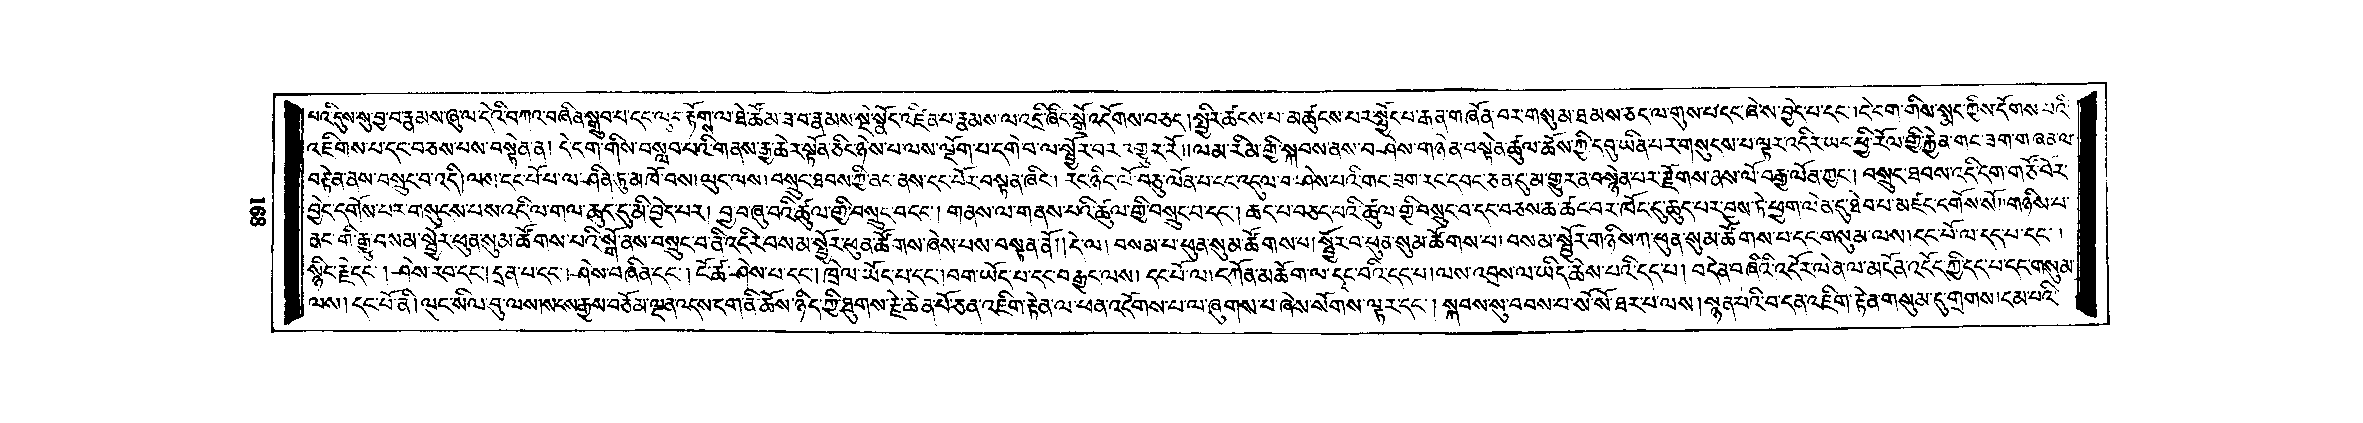པའི་དུས་སུ་བྱ་བ་རྣམས་ཞུ་ལ་དེའི་བཀའ་བཞིན་སྒྲུབ་པ་དང་ལུང་རྟོགས་ལ་ཐེ་ཚོམ་ཟ་བ་རྣམས་སྡེ་སྣོད་འཛིན་པ་རྣམས་ལ་འདྲི་ཞིང་སྒྲོ་འདོགས་བཅད། སྤྱིར་ཚངས་པ་མཚུངས་པར་སྤྱོད་པ་རྒན་གཞོན་བར་གསུམ་ཐམས་ཅད་ལ་གུས་པ་དང་ཞེ་ས་བྱེད་པ་དང་། དེ་དག་གིས་སྨད་ཀྱིས་དོགས་པའི་
འཇིགས་པ་དང་བཅས་པས་བསྟེན་ན། དེ་དག་གིས་བསླབ་པའི་གནས་རྒྱ་ཆེར་སྟོན་ཅིང་ཉེས་པ་ལས་ལྡོག་པ་དགེ་བ་ལ་སྦྱོར་བར་འགྱུར་རོ། །ལམ་རིམ་གྱི་སྐབས་ནས་བཤེས་གཉེན་བསྟེན་ཚུལ་ཆོས་ཀྱི་དབུ་ཡིན་པར་གསུངས་པ་ལྟར་འདིར་ཡང་ཕྱི་རོལ་གྱི་རྐྱེན་གང་ཟག་གཞན་ལ་
བརྟེན་ནས་བསྲུང་བ་འདི། ལས་དང་པོ་པ་ལ་ཤིན་ཏུ་མཁོ་བས། ལུང་ལས། བསྲུང་ཐབས་ཀྱི་ནང་ནས་དང་པོར་བསྟན་ཞིང་། རང་ཉིད་ལོ་བཅུ་ལོན་པ་དང་འདུལ་བ་ཤེས་པའི་གང་ཟག་རང་དབང་ཅན་དུ་མ་གྱུར་ན་བསྙེན་པར་རྫོགས་ནས་ལོ་བརྒྱ་ལོན་ཀྱང་། བསྲུང་ཐབས་འདི་དག་གཙོ་བོར་
བྱེད་དགོས་པར་གསུངས་པས་འདི་ལ་གལ་ཆུང་དུ་མི་བྱེད་པར། བྱ་བ་ཞུ་བའི་ཚུལ་གྱི་བསྲུང་བ་དང་། གནས་ལ་གནས་པའི་ཚུལ་གྱི་བསྲུང་བ་དང་། ཆད་པ་བཅད་པའི་ཚུལ་གྱི་བསྲུང་བ་དང་བཅས་ཆ་ཚང་བར་ཁོང་དུ་ཆུད་པར་བྱས་ཏེ་ཕྱག་ལེན་དུ་ཐེབ་པ་མཛད་དགོས་སོ། །གཉིས་པ་
ནང་གི་རྒྱུ་བསམ་སྦྱོར་ཕུན་སུམ་ཚོགས་པའི་སྒོ་ནས་བསྲུང་བ་ནི་འདིར་བསམ་སྦྱོར་ཕུན་ཚོགས་ཞེས་པས་བསྟན་ནོ། །དེ་ལ། བསམ་པ་ཕུན་སུམ་ཚོགས་པ། སྦྱོར་བ་ཕུན་སུམ་ཚོགས་པ། བསམ་སྦྱོར་གཉིས་ཀ་ཕུན་སུམ་ཚོགས་པ་དང་གསུམ་ལས། དང་པོ་ལ་དད་པ་དང་།
སྙིང་རྗེ་དང་། ཤེས་རབ་དང་། དྲན་པ་དང་། ཤེས་བཞིན་དང་། ངོ་ཚ་ཤེས་པ་དང་། ཁྲེལ་ཡོད་པ་དང་། བག་ཡོད་པ་དང་བརྒྱད་ལས། དང་པོ་ལ། དཀོན་མཆོག་ལ་དྭང་བའི་དད་པ། ལས་འབྲས་ལ་ཡིད་ཆེས་པའི་དད་པ། བདེན་བཞིའི་འདོར་ལེན་ལ་མངོན་འདོད་ཀྱི་དད་པ་དང་གསུམ་
ལས། དང་པོ་ནི། ལུང་སིལ་བུ་ལས། སངས་རྒྱས་བཅོམ་ལྡན་འདས་དག་ནི་ཆོས་ཉིད་ཀྱི་ཐུགས་རྗེ་ཆེན་པོ་ཅན་འཇིག་རྟེན་ལ་ཕན་འདོགས་པ་ལ་ཞུགས་པ་ཞེས་སོགས་ལྟར་དང་། སྐབས་སུ་བབས་པ་སོ་སོ་ཐར་པ་ལས། སྙན་པའི་བ་དན་འཇིག་རྟེན་གསུམ་དུ་གྲགས། དམ་པའི་